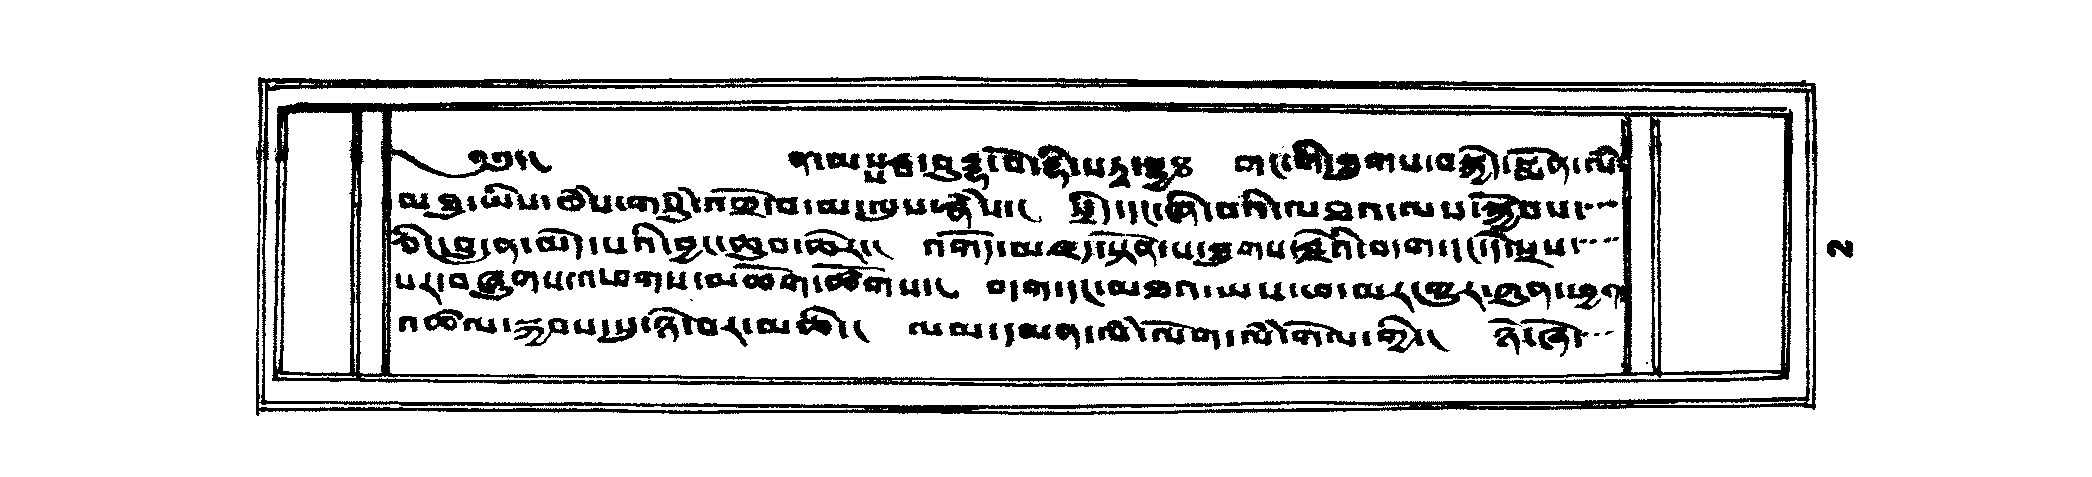ན་མ་སརྦ་བུདྡྷ་བོ་དྷི་སཏཱ་བྷྱཿ གང་གི་ཐུགས་བསྐྱེད་སྨོན་ལམ་
མཐུ་ཡིས་ཁམས་གསུམ་འགྲོ་བ་མ་ལུས་རྣམས། སྲིད་དང་ཞི་བའི་མཐའ་ལས་སྐྱོབས་
ཅིང་བླ་ན་མེད་པའི་བྱང་ཆུབ་ཆེར། འགོད་མཛད་སྟོན་པ་ཐུགས་རྗེའི་བདག་དང་དེ་སྲས་
པར་བཞུགས་འཕགས་མཆོག་ཚོགས། བདག་དང་མཐའ་ཡས་ཕ་མར་གྱུར་ཀུན་ཕྱག་
འཚལ་སྐྱབས་སུ་ཉེ་བར་མཆི། ལམ་དམན་ལམ་ལོག་ལམ་གོལ་གྱི། ཉོ་ཞོ་